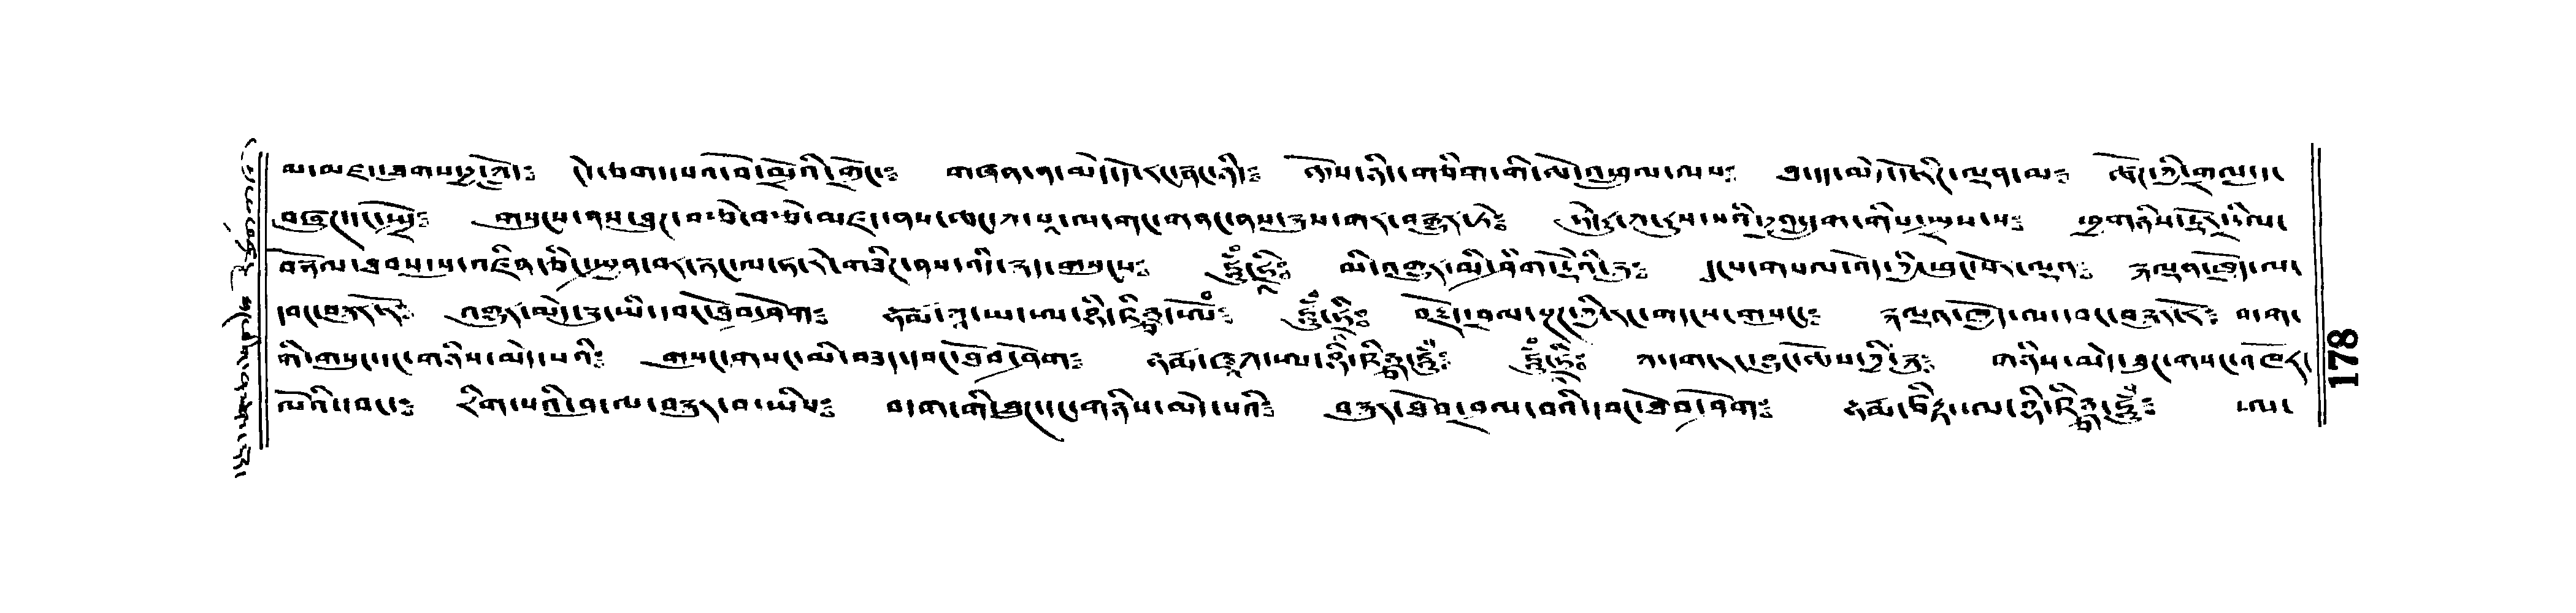མ་མཛད་ཐུགས་རྒྱ་གློད༔ ངེད་ཅག་དཔའ་བོ་མཁའ་འགྲོའི་གྲོང༔ གཞན་ན་མེད་དོ་རང་སྣང་ཉིད༔ ཆོས་ཉིད་གཅིག་གི་ཆོ་འཕྲུལ་ལས༔ ཐ་དད་མེད་དོ་རིགས་ལྡན་མ༔ ཚོགས་ཀྱི་གྲལ་དུ་
བཞུགས་དང་སྤྲོཿ གསུངས་ནས་ཐུགས་བརྩེ་བརྩེ་མཛད་ནས་ཆང་ཀ་པཱ་ལ་གང་གནང་ནས་སྐུས་གར་བསྒྱུར་ཏེ༔ ཧེ་རུ་ཀ་རུས་པའི་རྒྱན་དྲུག་གིས་སྤྲས་པ༔ ཕྱག་གཉིས་རྡོར་དྲིལ་
བསྣོལ་ཐབས་སུ་འཛིན་ཅིང་སྤྱན་བར་སྣང་ལ་ཧ་རེ་གཟིགས་ནས་འདི་སྐད་གསུངས༔ ཧཱུྃ་ཧྲཱིཿ མི་འགྱུར་མི་ཤིགས་རྡོ་རྗེའི་སྐུ༔ དྭངས་གསལ་འོད་ཀྱི་ཕུང་པོར་ལྡན༔ སྐལ་ལྡན་ཁྱོད་ལ་
དབང་བསྐུར་རོ༔ འགྱུར་མེད་སྐུ་ཡི་དབང་ཐོབ་ཤོག༔ དྷརྨ་ཀཱ་ཡ་ཨ་བྷི་རིཉྩ་ཨོཾ༔ ཧཱུྃ་ཧྲཱིཿ བརྗོད་བྲལ་སྔགས་ཀྱི་རང་གདངས་གསུང༔ སྐལ་ལྡན་ཁྱོད་ལ་དབང་བསྐུར་རོ༔ བདག་
གི་གསུང་དང་གཉིས་མེད་པའི༔གསུང་གསང་མི་བཟད་དབང་ཐོབ་ཤོག༔ དྷརྨ་ཝཱཀྐ་ཨ་བྷི་རིཉྩ་ཧཱུྃ༔ ཧཱུྃ་ཧྲཱིཿ ཀ་དག་རང་བྱུང་ཆོས་ཀྱི་སྐུ༔ གཉིས་མེད་ཐུགས་གསང་འཁོར་
ལོའི་དབང༔ རིག་པའི་བུ་ལ་བསྐུར་བ་ཡིས༔ བདག་གི་ཐུགས་དང་གཉིས་མེད་པའི༔ བསྐུར་ཐོབ་བྲལ་བའི་དབང་ཐོབ་ཤོག༔ དྷརྨ་ཙིཏྟ་ཨ་བྷི་རིཉྩ་ཧཱུྃ༔ ཨ་